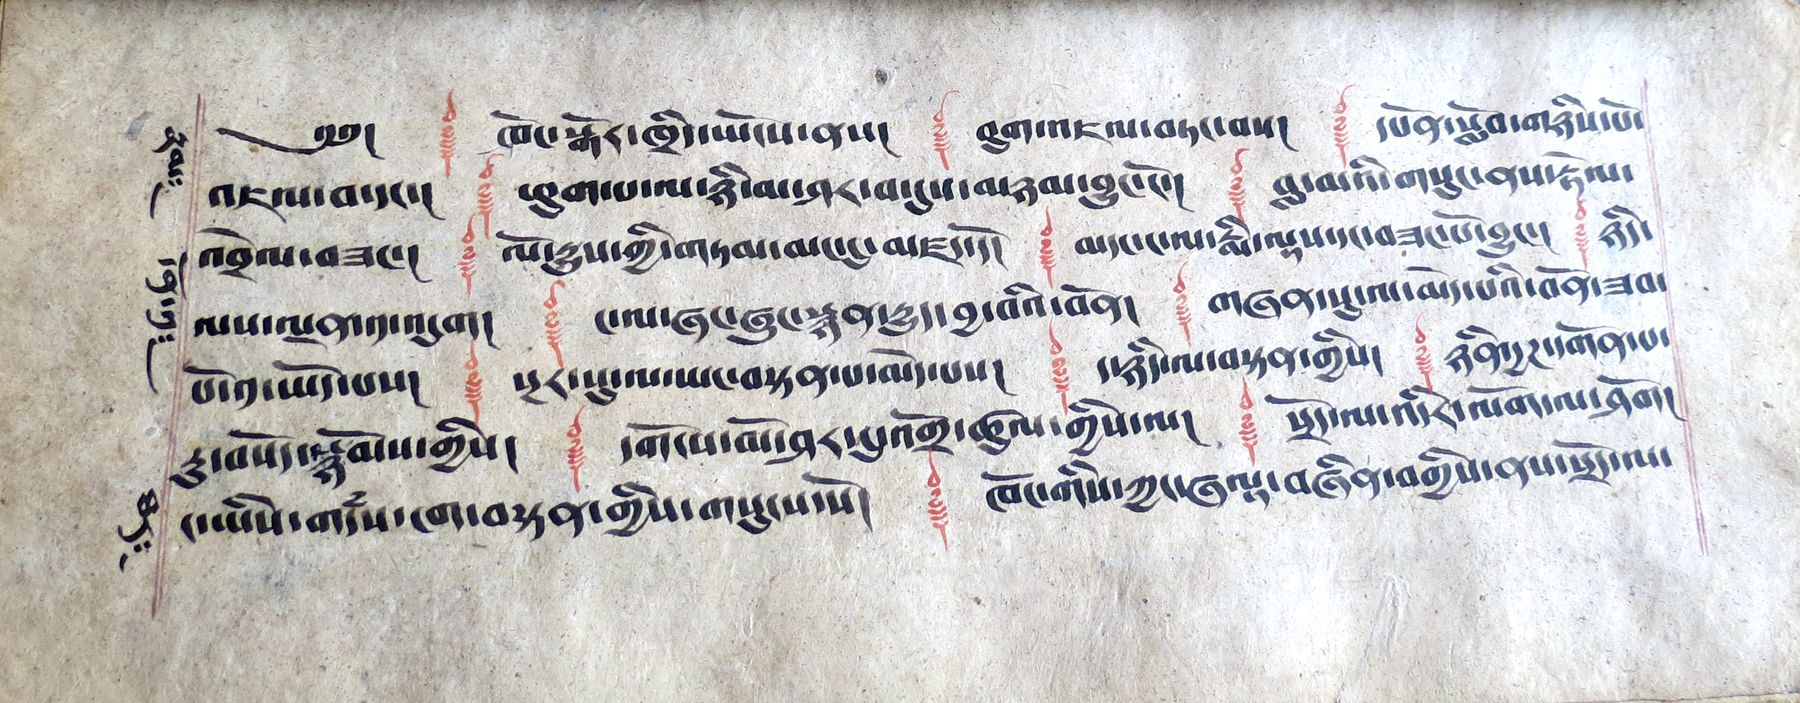ཁོང་སྒོར་ཁྲིད་ཡོང་ནས་བུག་སྒོར་མཇལ་བཏང་པས། དཔོན་སློབ་གཉིས་པོ་
མཇལ་བ་དང་། ཕུག་པ་ལ་ཉི་མ་ཤར་བ་དུས་མཉམ་བྱུང་ངོ་། ། བླ་མའི་གསུང་ནས་རྟེན
་འབྲེལ་བཟང་སྟེ། ལོ་རྒྱུས་གྱི་གཏམ་མང་དུ་མཛད་དོ། ། མདང་ང་ལ་རྨི་ལྟས་ཀྱང་བཟང་པོ་བྱུང་། ཉིད་
ལས་ལྡན་ཞིག་འདུག་ང་ལ་ཞང་ཞུང་སྙན་རྒྱུད་བྱ་བའི་བོན། གཞན་སུ་ལ་མེད་པའི་བོན་ཟབ་
མོ་ཞིག་ཡོད། སྔར་སུ་ལ་ཡང་བསྟན་པ་མེད་པས། ཉིད་ལ་བསྟན་གྱི། ཉིན་རྒྱགས་དགོན་
པར་བསོད་སྙོམས་གྱིས། དགོང་མོ་ཤར་དུ་འགྲོ་ཚུལ་གྱིས་ལ། སྲོད་ལ་འདིར་ལོག་ལ་ཤོག 
ང་ཡིས་གདམས་ངག་བསྟན་གྱི་གསུངས་སོ། ། ཁོང་གིས་ཀྱང་ཞལ་ཏ་བཞིན་བགྱིས་ནས་སྲོད་ལ་